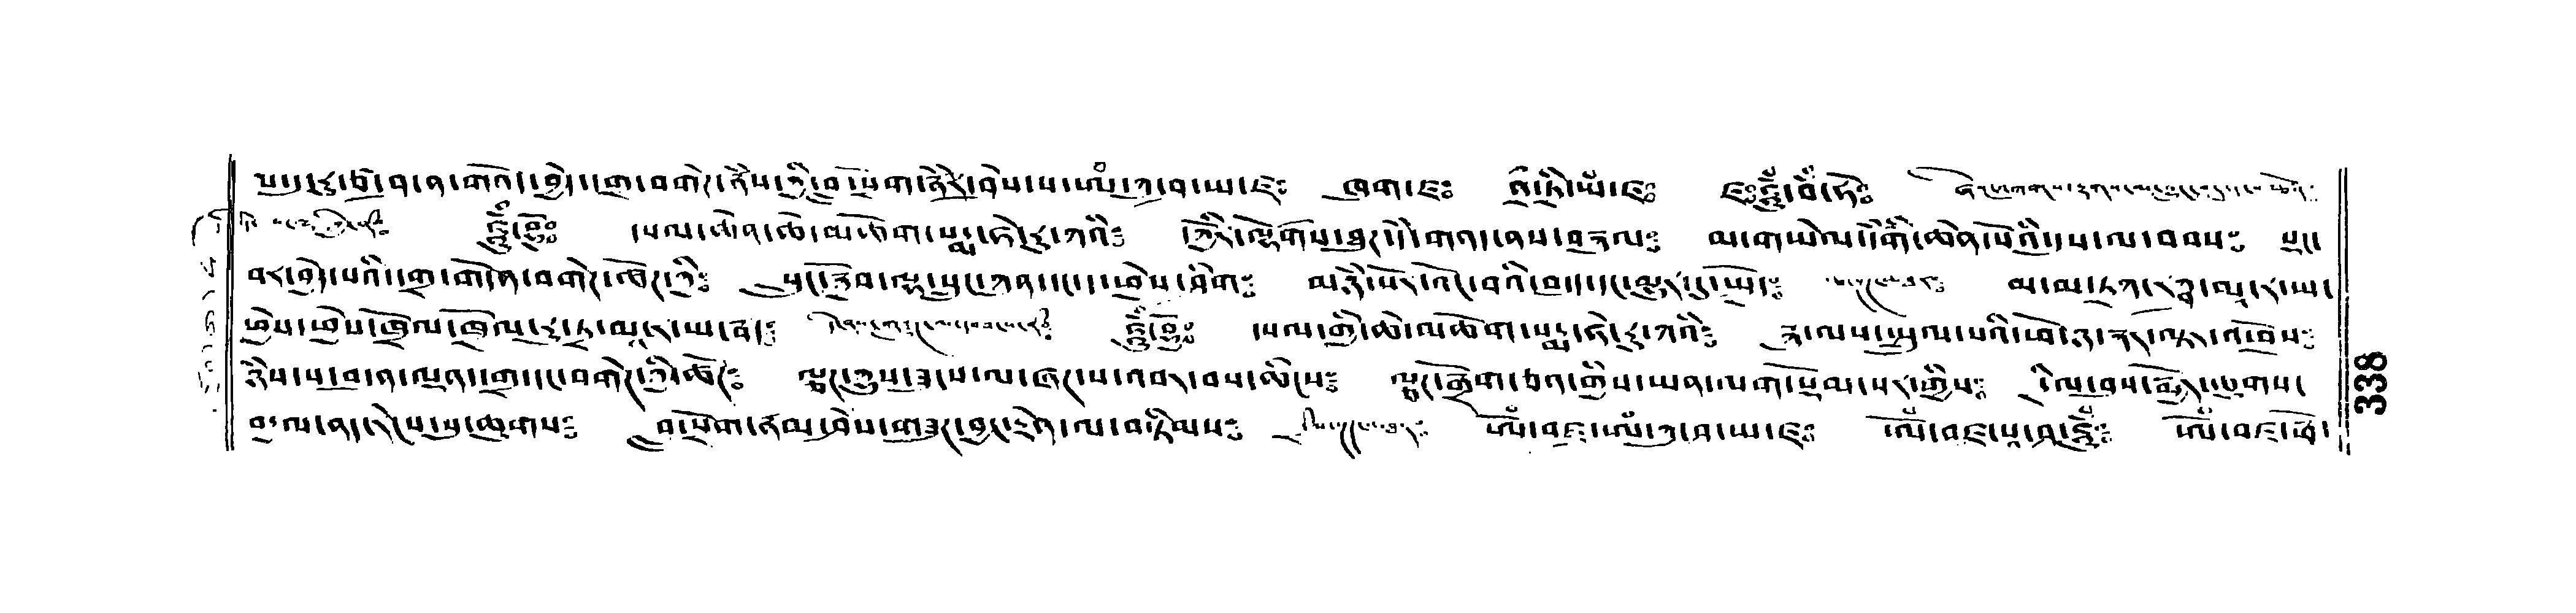མ་དུ་རུ་ཙ་ཤ་ན་གནོད་བྱེད་དགྲ་བགེགས་རྣམས་ཀྱི་བླ་སྲོག་རྣམ་པར་ཤེས་པ་ཨཾ་ཀུ་ཤ་ཡ་ཛཿ ཁུག་ཛཿ ནྲྀ་ཏྲི་ཡཾ་ཛཿ ཛཿཧཱུྃ་བྃ་ཧོཿ ཞེས་འགུགས་རྟགས་མ་བྱུང་བར་དུ་བརྩོནཿ 
དེ་ལས་ལྷ་དབྱེ་ནི༔ ཧཱུྃ་བྷྱོ༔ དཔལ་ཆེན་ཆེ་མཆོག་པདྨ་ཧེ་རུ་ཀའི༔ དཀྱིལ་འཁོར་ལྷ་ཚོགས་ཐུགས་དམ་གནད་ནས་བསྐུལ༔ མ་གཡེལ་དམ་ཚིག་ཆེན་པོའི་དུས་ལ་བབས༔ སྡང་
བར་བྱེད་པའི་དགྲ་གདོན་བགེགས་ཚོགས་ཀྱི༔སྲུང་སྐྱོབ་ལྷ་སྲུང་ཀུན་དང་ད་ཕྱེས་ཤིག༔ མཉམ་པོར་འོང་བའི་བདུད་དང་མྱུར་དུ་སྤྲོད༔ རྩ་སྔགས་མཐར༔ མ་མ་ཏྲཀ་རཀྵ་མཱ་ར་ཡ་
ཕྱེས་ཕྱེས་ཁྲོལ་ཁྲོལ་རུ་ཏྲ་མཱ་ར་ཡ་རྦད༔ དེ་ནས་གཟུགས་ལ་དབབ་པ་ནི༔ ཧཱུྃ་བྷྱོ༔ དཔལ་གྱི་ཆེ་མཆོག་པདྨ་ཧེ་རུ་ཀའི༔ སྐུ་ལས་སྤྲུལ་པའི་ཕོ་ཉ་སྐར་ལྟར་འཕྲོས༔ 
ཉམས་པ་བདུན་ལྡན་དགྲ་དང་བགེགས་ཀྱི་ཚོགས༔ ལྕགས་ཀྱུས་ཟུངས་ལ་ཞགས་པ་འབར་བས་ཆིངས༔ ལྕགས་སྒྲོག་ཅན་གྱིས་ཡན་ལག་སྡོམ་པར་གྱིས༔ དྲིལ་བུས་སྨྱོར་ཆུགས་
བརྒྱལ་ནས་རེངས་སུ་ཆུགས༔ བླ་སྲོག་རྣམ་ཤེས་གཟུགས་བྱང་རྟེན་ལ་བསྟིམས༔ དྲིལ་སྔགས་མཐར༔ ཨོཾ་བཛྲ་ཨཾ་ཀུ་ཤ་ཡ་ཛཿ ཨོཾ་བཛྲ་པཱ་ཤ་ཧཱུྃ༔ ཨོཾ་བཛྲ་སྥོ་